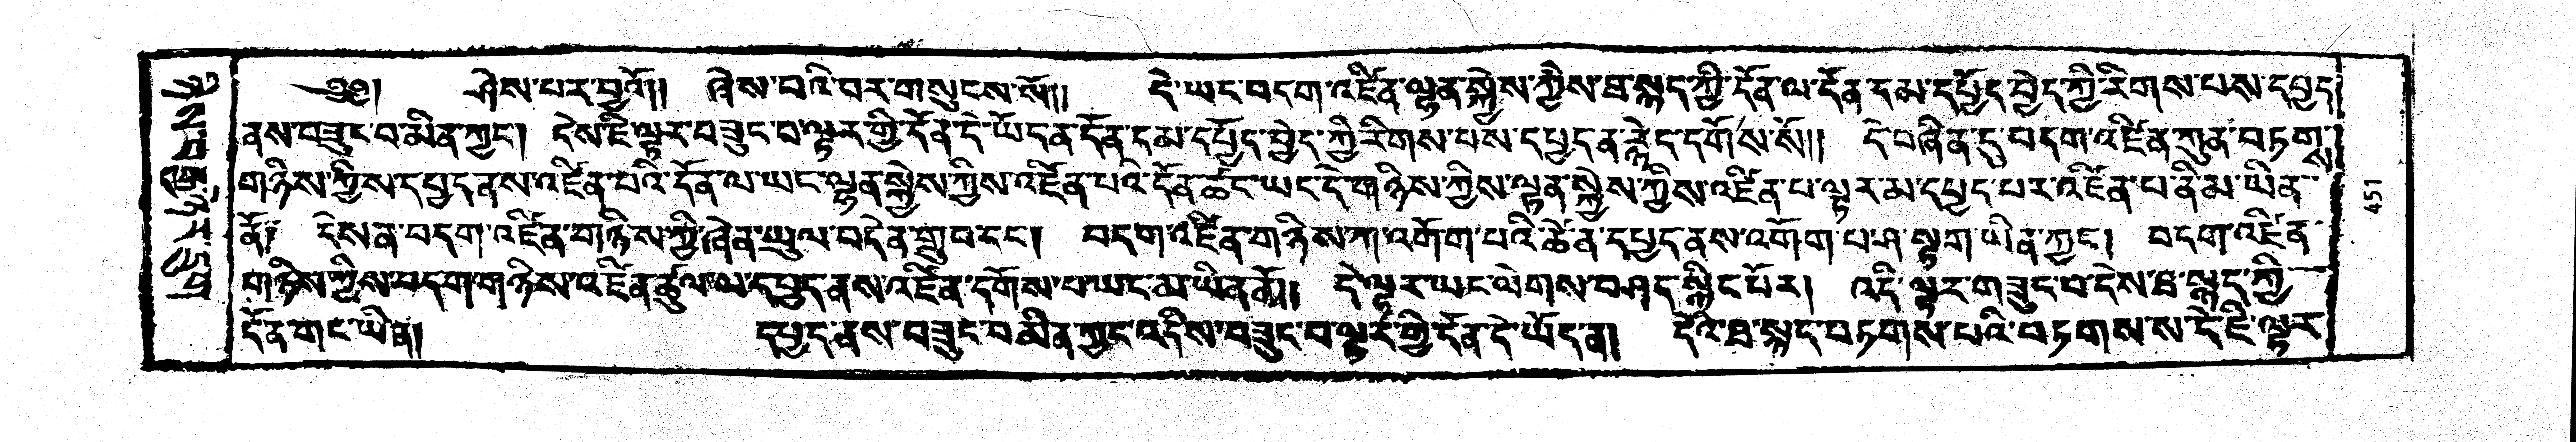༄༅། །ཤེས་པར་བྱའོ། །ཞེས་པའི་བར་གསུངས་སོ། །དེ་ཡང་བདག་འཛིན་ལྷན་སྐྱེས་ཀྱིས་ཐ་སྙད་ཀྱི་དོན་ལ་དོན་དམ་དཔྱོད་བྱེད་ཀྱི་རིགས་པས་དཔྱད་
ནས་བཟུང་བ་མིན་ཀྱང་། དེས་ཇི་ལྟར་བཟུང་བ་ལྟར་གྱི་དོན་དེ་ཡོད་ན་དོན་དམ་དཔྱོད་བྱེད་ཀྱི་རིགས་པས་དཔྱད་ན་སྙེད་དགོས་སོ། །དེ་བཞིན་དུ་བདག་འཛིན་ཀུན་བཏགས་
གཉིས་ཀྱིས་དཔྱད་ནས་འཛིན་པའི་དོན་ལ་ཡང་ལྷན་སྐྱེས་ཀྱིས་འཛིན་པའི་དོན་ཚང་ཡང་དེ་གཉིས་ཀྱིས་ལྟན་སྐྱེས་ཀྱིས་འཛིན་པ་ལྟར་མ་དཔྱད་པར་འཛིན་པ་ནི་མ་ཡིན་
ནོ། །དེས་ན་བདག་འཛིན་གཉིས་ཀྱི་ཞེན་ཡུལ་བདེན་གྲུབ་དང་། བདག་འཛིན་གཉིས་ཀ་འགོག་པའི་ཚེ་ན་དཔྱད་ནས་འགོག་པ་ཤ་སྟག་ཡིན་ཀྱང་། བདག་འཛིན་
གཉིས་ཀྱིས་བདག་གཉིས་འཛིན་ཚུལ་ལ་དཔྱད་ནས་འཛིན་དགོས་པ་ཡང་མ་ཡིན་ནོ། །དེ་ལྟར་ཡང་ལེགས་བཤད་སྙིང་པོར། འདི་ལྟར་གཟུང་པ་དེས་ཐ་སྙད་ཀྱི་
དོན་གང་ཡིན། དཔྱད་ནས་བཟུང་བ་མིན་ཀྱང་འདིས་བཟུང་བ་ལྟར་གྱི་དོན་དེ་ཡོད་ན། དེའི་ཐ་སྙད་བཏགས་པའི་བཏགས་ས་དེ་ཇི་ལྟར་